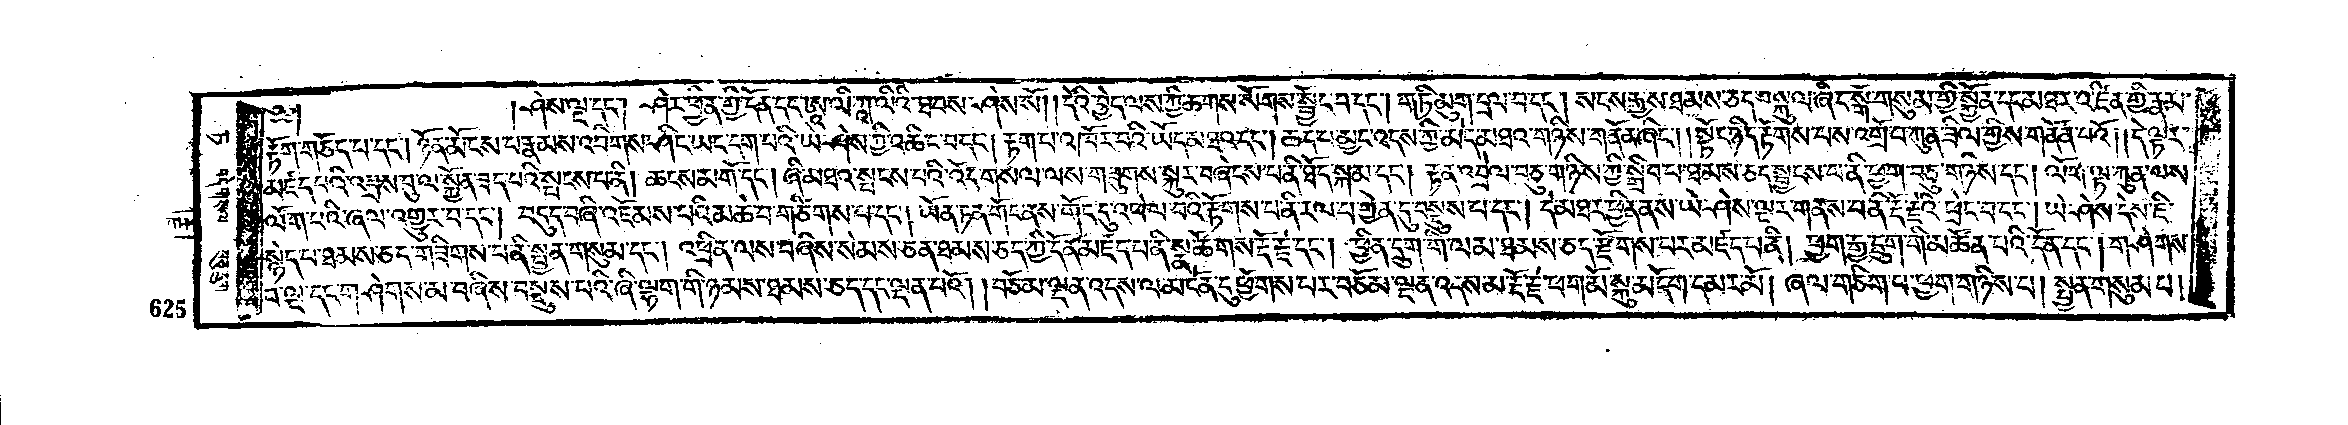༄༅། །ཤེས་ལྔ་དང་། ཤེར་ཕྱིན་གྱི་དོན་དང་ཨཱ་ལི་ཀཱ་ལིའི་ཐབས་ཤེས་སོ། །དེའི་བྱེད་ལས་ཀྱི་ཆགས་སོགས་སྦྱོང་བ་དང་། གཏི་མུག་དྲལ་བ་དང་། སངས་རྒྱས་ཐམས་ཅད་བསྐུལ་ཞིང་སྒོ་གསུམ་གྱི་སྐྱོན་དང་མཐར་འཛིན་གྱི་རྣམ་
རྟོག་གཅོད་པ་དང་། ཉོན་མོངས་པ་རྣམས་འབིགས་ཤིང་ཡང་དག་པའི་ཡེ་ཤེས་ཀྱི་འཆིང་བ་དང་། རྟག་པ་འཁོར་བའི་ཡོད་མཐའ་དང་། ཆད་པ་མྱང་འདས་ཀྱི་མེད་མཐའ་གཉིས་གནོན་ཞིང་། །སྟོང་ཉིད་རྟོགས་པས་འགྲོ་བ་ཀུན་ཟིལ་གྱིས་གནོན་པའོ། །དེ་ལྟར་
མཛད་པའི་འབྲས་བུ་ལ་སྐྱོན་ཟད་པའི་སྤངས་པ་ནི། ཆངས་མགོ་དང་། ཞི་མཐའ་སྤངས་པའི་འོད་གསལ་ལས་གཟུགས་སྐུར་བཞེངས་པ་ནི་ཐོད་སྐམ་དང་། རྟན་འབྲེལ་བཅུ་གཉིས་ཀྱི་སྒྲིབ་པ་ཐམས་ཅད་སྦྱངས་པ་ནི་ཕྱག་བཅུ་གཉིས་དང་། ལོག་ལྟ་ཀུན་ལས་
ལོག་པའི་ཞལ་འགྱུར་བ་དང་། བདུད་བཞི་འཇོམས་པའི་མཆེ་བ་གཙིགས་པ་དང་། ཡོན་ཏན་གོང་ནས་གོང་དུ་འཕེལ་བའི་རྟོགས་པ་ནི་རལ་པ་གྱེན་དུ་བསྡུས་པ་དང་། དེ་མཐར་ཕྱིན་ནས་ཡེ་ཤེས་ལྔར་གནས་པ་ནི་རྡོ་རྗེའི་ཕྲེང་བ་དང་། ཡེ་ཤེས་དེས་ཇི་
སྙེད་པ་ཐམས་ཅད་གཟིགས་པ་ནི་སྤྱན་གསུམ་དང་། འཕྲིན་ལས་བཞིས་སེམས་ཅན་ཐམས་ཅད་ཀྱི་དོན་མཛད་པ་ནི་སྣ་ཚོགས་རྡོ་རྗེ་དང་། ཕྱིན་དྲུག་གི་ལམ་ཐམས་ཅད་རྫོགས་པར་མཛད་པ་ནི། ཕྱག་རྒྱ་དྲུག་གི་མཚོན་པའི་དོན་དང་། གཤེགས་
པ་ལྔ་དང་གཤེགས་མ་བཞིས་བསྡུས་པའི་ཞི་ལྷག་གི་ཉམས་ཐམས་ཅད་དང་ལྡན་པའོ། །བཅོམ་ལྡན་འདས་ལ་མངོན་དུ་ཕྱོགས་པར་བཅོམ་ལྡན་འདས་མ་རྡོ་རྗེ་ཕག་མོ་སྐུ་མདོག་དམར་མོ། །ཞལ་གཅིག་པ་ཕྱག་གཉིས་པ། སྤྱན་གསུམ་པ།